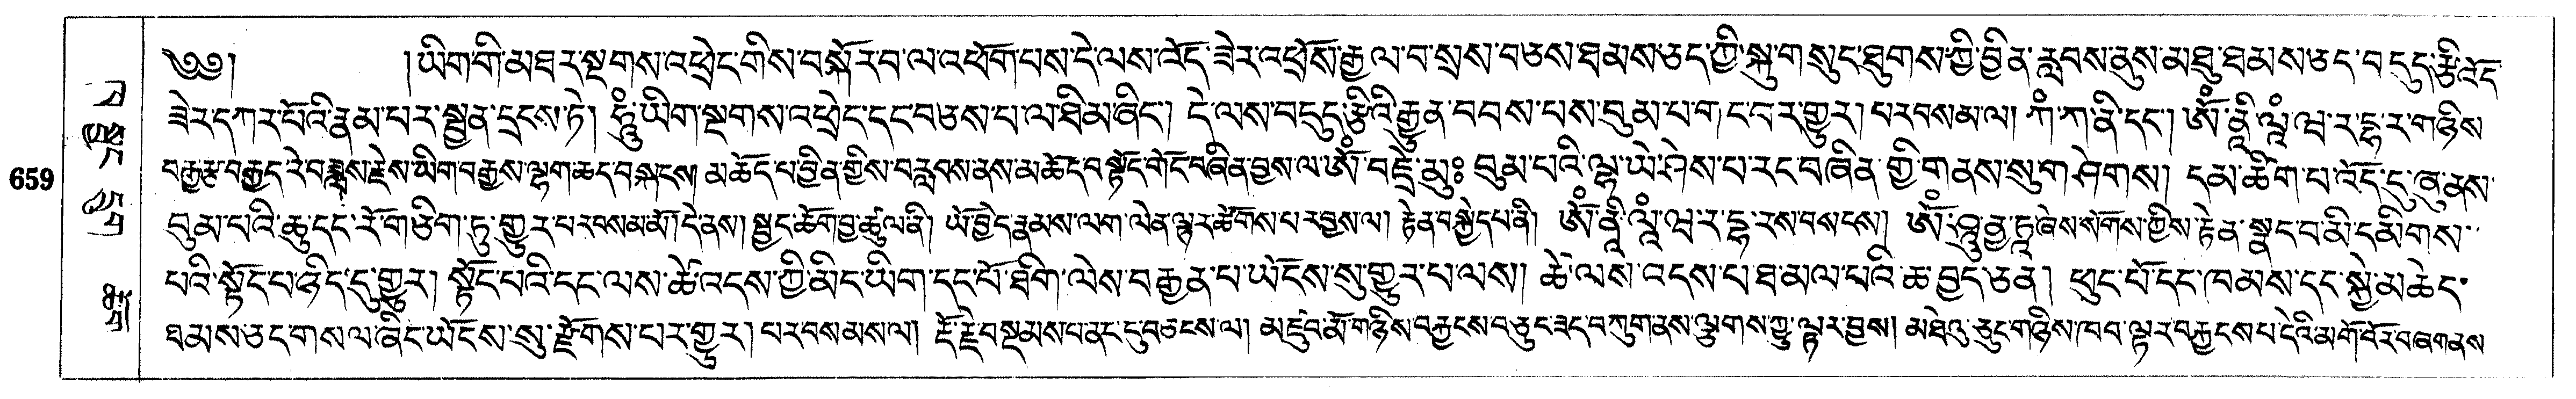༄༅། །ཡིག་གི་མཐར་སྔགས་འཕྲེང་གིས་བསྐོར་བ་ལ་འཕོག་པས་དེ་ལས་འོད་ཟེར་འཕྲོས་རྒྱལ་བ་སྲས་བཅས་ཐམས་ཅད་ཀྱི་སྐུ་གསུང་ཐུགས་ཀྱི་བྱིན་རླབས་ནུས་མཐུ་ཐམས་ཅད་བདུད་རྩི་འོད་
ཟེར་དཀར་པོའི་རྣམ་པར་སྤྱན་དྲངས་ཏེ། ཧཱུཾ་ཡིག་སྔགས་འཕྲེང་དང་བཅས་པ་ལ་ཐིམ་ཞིང་། དེ་ལས་བདུད་རྩིའི་རྒྱུན་བབས་པས་བུམ་པ་གང་བར་གྱུར། པར་བསམ་ལ། ཀཾ་ཀ་ནི་དང་། ཨོཾ་ནཱི་ལཱཾ་ཝ་ར་དྷ་ར་གཉིས་
བརྒྱ་རྩ་བརྒྱད་རེ་བཟླས་རྗེས་ཡིག་བརྒྱས་ལྷག་ཆད་བསྐངས། མཆོད་པ་བྱིན་གྱིས་བརླབས་ནས་མཆོད་བསྟོད་གོང་བཞིན་བྱས་ལ་ཨེ་ཨོཾ་བཛྲེ་མུཿ བུམ་པའི་ལྷ་ཡེ་ཤེས་པ་རང་བཞིན་གྱི་གནས་ས་གཤེགས། དམ་ཚིག་པ་འོད་དུ་ཞུ་ནས་
བུམ་པའི་ཆུ་དང་རོ་གཅིག་ཏུ་གྱུར་པར་བསམ་མོ། དེ་ནས། སྦྱང་ཆོག་བྱ་ཚུལ་ནི། ཡོ་བྱེད་རྣམས་ལག་ལེན་ལྟར་ཚོགས་པར་བྱས་ལ། རྟེན་བསྐྱེད་པ་ནི། ཨོཾ་ནཱི་ལཱཾ་ཝ་ར་དྷ་རས་བསངས། ཨོཾ་ཤཱུ་ཉ་ཏཱ་ཞེས་སོགས་ཀྱིས་རྟེན་སྣང་བ་མི་དམིགས་
པའི་སྟོང་པ་ཉིད་དུ་གྱུར། སྟོང་པའི་ངང་ལས་ཚེ་འདས་ཀྱི་མིང་ཡིག་དང་པོ་ཐིག་ལེས་བརྒྱན་པ་ཡོངས་སུ་གྱུར་པ་ལས། ཚེ་ལས་འདས་པ་ཐ་མལ་པའི་ཆ་བྱད་ཅན། ཕུང་པོ་དང་ཁམས་དང་སྐྱེ་མཆེད་
ཐམས་ཅད་གསལ་ཞིང་ཡོངས་སུ་རྫོགས་པར་གྱུར། པར་བསམས་ལ། རྡོ་རྗེ་བསྡམས་པ་ནང་དུ་བཅངས་ལ། མཛུབ་མོ་གཉིས་བརྐྱངས་བཅུང་ཟད་བཀུག་ནས་ལྕགས་ཀྱུ་ལྟར་བྱས། མཐེའུ་ཅུང་གཉིས་ཁབ་ལྟར་བརྐྱངས་པ་དེའི་མགོ་བོར་བཞག་ནས་